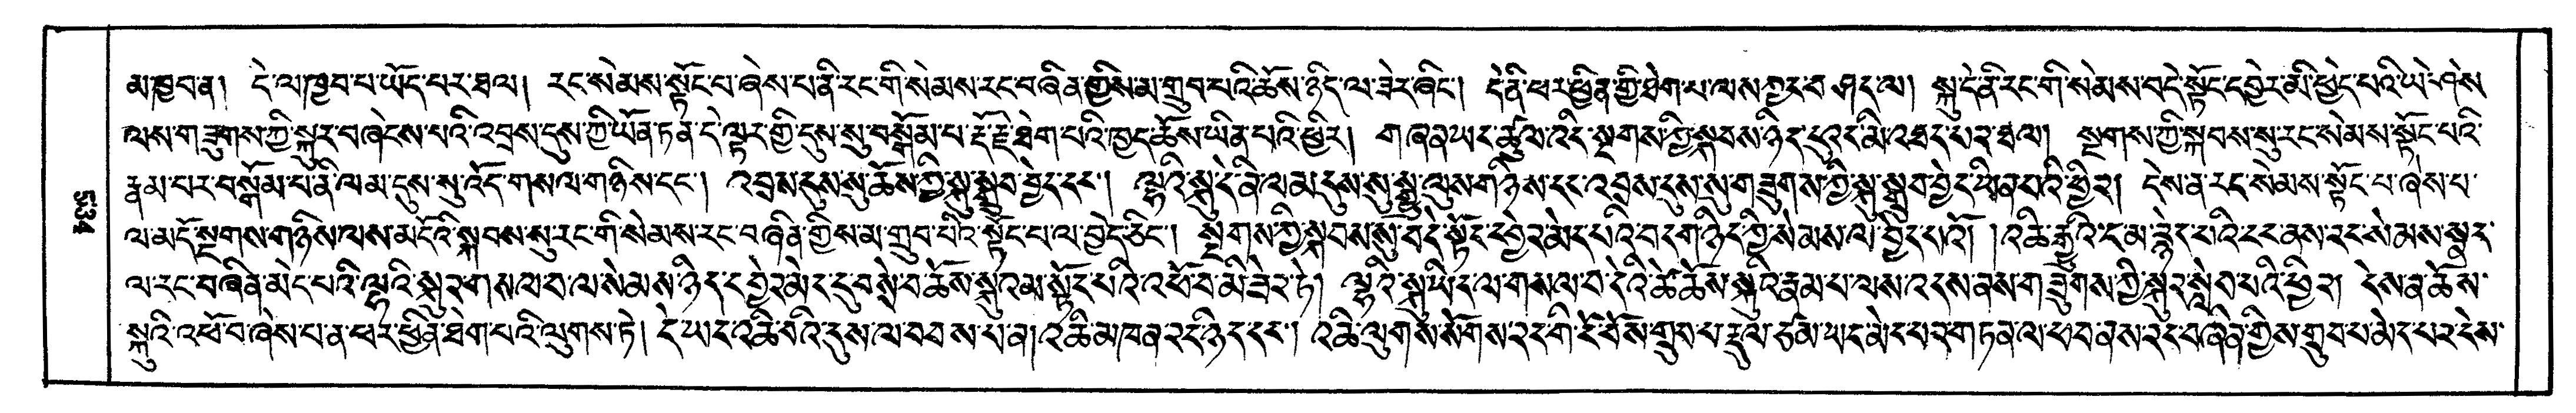མ་ཁྱབ་ན། དེ་ལ་ཁྱབ་པ་ཡོད་པར་ཐལ། རང་སེམས་སྟོང་པ་ཞེས་པ་ནི་རང་གི་སེམས་རང་བཞིན་གྱིས་མ་གྲུབ་པའི་ཆོས་ཉིད་ལ་ཟེར་ཞིང་། དེ་ནི་ཕར་ཕྱིན་གྱི་ཐེག་པ་ལས་ཀྱང་བཤད་ལ། སྐུ་དེ་ནི་རང་གི་སེམས་བདེ་སྟོང་དབྱེར་མི་ཕྱེད་པའི་ཡེ་ཤེས་
ལས་གཟུགས་ཀྱི་སྐུར་བཞེངས་པའི་འབྲས་དུས་ཀྱི་ཡོན་ཏན་ད་ལྟར་གྱི་དུས་སུ་བསྒོམ་པ་རྡོ་རྗེ་ཐེག་པའི་ཁྱད་ཆོས་ཡིན་པའི་ཕྱིར། གཞན་ཡང་ཚུལ་འདི་སྔགས་ཀྱི་སྐབས་ཉིད་དུའང་མི་འཐད་པར་ཐལ། སྔགས་ཀྱི་སྐབས་སུ་རང་སེམས་སྟོང་པའི་
རྣམ་པར་བསྒོམ་པ་ནི་ལམ་དུས་སུ་འོད་གསལ་གཉིས་དང་། འབྲས་དུས་སུ་ཆོས་ཀྱི་སྐུ་སྒྲུབ་བྱེད་དང་། ལྷའི་སྐུ་དེ་ནི་ལམ་དུས་སུ་སྒྱུ་ལུས་གཉིས་དང་འབྲས་དུས་སུ་གཟུགས་ཀྱི་སྐུ་སྒྲུབ་བྱེད་ཡིན་པའི་ཕྱིར། དེས་ན་རང་སེམས་སྟོང་པ་ཞེས་པ་
ལ་མདོ་སྔགས་གཉིས་ལས་མདོའི་སྐབས་སུ་རང་གི་སེམས་རང་བཞིན་གྱིས་མ་གྲུབ་པའི་སྟོང་པ་ལ་བྱེད་ཅིང་། སྔགས་ཀྱི་སྐབས་སུ་བདེ་སྟོང་དབྱེར་མེད་པའི་བདག་ཉིད་ཀྱི་སེམས་ལ་བྱེད་པའོ། །འཆི་རྒྱུའི་ང་མ་རྙེད་པའི་ངང་ནས་རང་སེམས་སྣང་
ལ་རང་བཞིན་མེད་པའི་ལྷའི་སྐུར་གསལ་བ་ལ་སེམས་ཉིད་དབྱེར་མེད་དུ་བསྲེ་བ་ཆོས་སྐུའམ་སྟོང་པའི་འཕོ་བ་མི་ཟེར་ཏེ། ལྷའི་སྐུ་ཡིད་ལ་གསལ་བ་དེའི་ཚེ་ཆོས་སྐུའི་རྣམ་པ་ལས་འདས་ནས་གཟུགས་ཀྱི་སྐུར་སླེབ་པའི་ཕྱིར། དེས་ན་ཆོས་
སྐུའི་འཕོ་བ་ཞེས་པ་ནི་ཕར་ཕྱིན་ཐེག་པའི་ལུགས་ཏེ། དེ་ཡང་འཆི་བའི་དུས་ལ་བབས་པ་ན། འཆི་མཁན་རང་ཉིད་དང་། འཆི་ལུགས་སོགས་རང་གི་ངོ་བོས་གྲུབ་བརྡུལ་ཙམ་ཡང་མེད་པར་གཏན་ལ་ཕབ་ནས་རང་བཞིན་གྱིས་གྲུབ་པ་མེད་པར་ངེས་